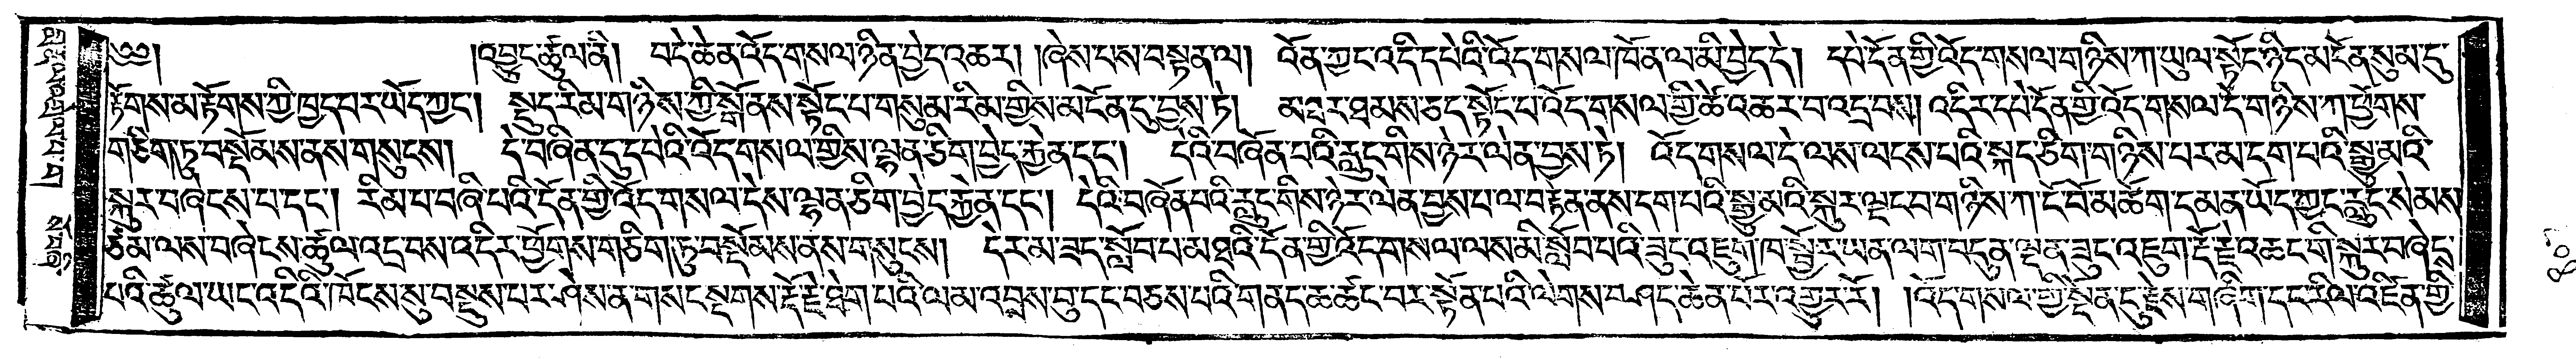༄༅། །འབྱུང་ཚུལ་ནི། བདེ་ཆེན་འོད་གསལ་ཉིན་བྱེད་འཆར། །ཞེས་པས་བསྟན་ལ། འོན་ཀྱང་འདི་དབེའི་འོད་གསལ་ཁོ་ན་ལ་མི་བྱེད་དེ། དཔེ་དོན་གྱི་འོད་གསལ་གཉིས་ཀ་ཡུལ་སྟོང་ཉིད་མངོན་སུམ་དུ་
རྟོགས་མ་རྟོགས་ཀྱི་ཁྱད་པར་ཡོད་ཀྱང་། སྡུད་རིམ་གཉིས་ཀྱི་སྒོ་ནས་སྟོང་པ་གསུམ་རིམ་གྱིས་མངོན་དུ་བྱས་ཏེ། མཐར་ཐམས་ཅད་སྟོང་པ་འོད་གསལ་གྱི་ཚེ་འཆར་བ་འདྲ་བས། འདིར་དཔེ་དོན་གྱི་འོད་གསལ་དེ་གཉིས་ཀ་ཕྱོགས་
གཅིག་ཏུ་བསྡོམས་ནས་གསུངས། དེ་བཞིན་དུ་དཔེའི་འོད་གསལ་གྱིས་ལྷན་ཅིག་བྱེད་རྐྱེན་དང་། དེའི་བཞོན་པའི་རླུང་གིས་ཉེར་ལེན་བྱས་ཏེ། འོད་གསལ་དེ་ལས་ལངས་པའི་སྐད་ཅིག་གཉིས་པར་མ་དག་པའི་སྒྱུ་མའི་
སྐུར་བཞེངས་པ་དང་། རིམ་པ་བཞི་པའི་དོན་གྱི་འོད་གསལ་དེས་ལྷན་ཅིག་བྱེད་རྐྱེན་དང་། དེའི་བཞོན་པའི་རླུང་གིས་ཉེར་ལེན་བྱས་པ་ལ་བརྟེན་ནས་དག་པའི་སྒྱུ་མའི་སྐུར་ལྡང་བ་གཉིས་ཀ་ངོ་བོ་མཆོག་དམན་ཡོད་ཀྱང་རླུང་སེམས་
ཙམ་ལས་བཞེངས་ཚུལ་འདྲ་བས་འདིར་ཕྱོགས་གཅིག་ཏུ་བསྡོམས་ནས་གསུངས། དེར་མ་ཟད་སློབ་པ་མཐའི་དོན་གྱི་འོད་གསལ་ལས་མི་སློབ་པའི་ཟུང་འཇུག་ཁ་སྦྱོར་ཡན་ལག་བདུན་ལྡན་ཟུང་འཇུག་རྡོ་རྗེ་འཆང་གི་སྐུར་བཞེངས་
པའི་ཚུལ་ཡང་འདིའི་ཁོངས་སུ་བསྡུས་པར་ཤེས་ན་གསང་སྔགས་རྡོ་རྗེ་ཐེག་པའི་ལམ་འབྲས་བུ་དང་བཅས་པའི་གནད་ཆ་ཚང་བར་སྟོན་པའི་ལེགས་བཤད་ཆེན་པོར་འགྱུར་རོ། །འོད་གསལ་གྱི་སྔོན་དུ་རྗེས་གཞིག་དང་རིལ་འཛིན་གྱི་